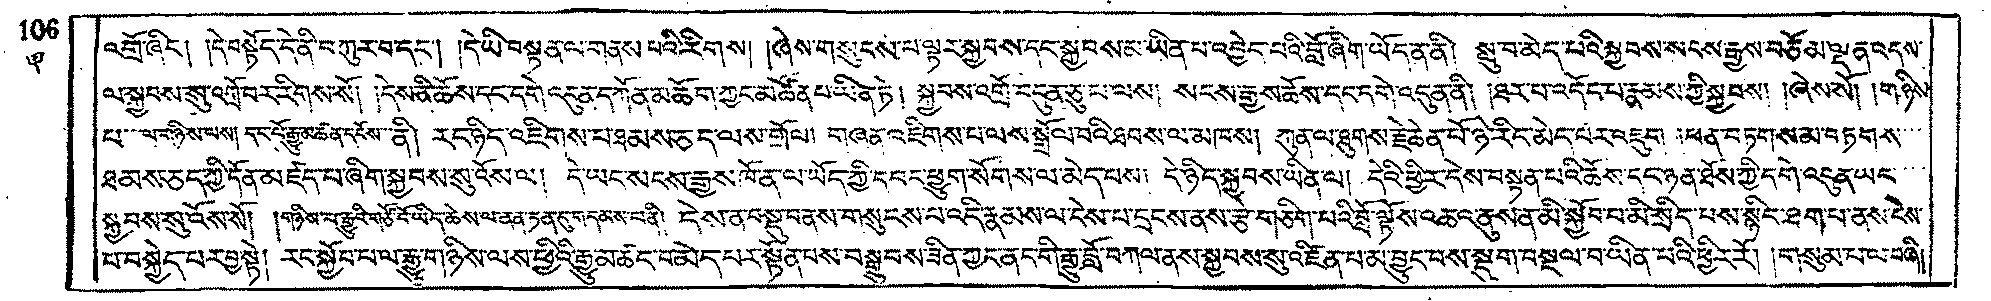འགྲོ་ཞིང་། །དེ་བསྟོད་དེ་ནི་བཀུར་བ་དང་། །དེ་ཡི་བསྟན་ལ་གནས་པའི་རིགས། །ཞེས་གསུངས་པ་ལྟར་སྐྱབས་དང་སྐྱབས་མ་ཡིན་པ་འབྱེད་པའི་བློ་ཞིག་ཡོད་ན་ནི། སླུ་བ་མེད་པའི་སྐྱབས་སངས་རྒྱས་བཅོམ་ལྡན་འདས་
ལ་སྐྱབས་སུ་འགྲོ་བར་རིགས་སོ། །དེས་ནི་ཆོས་དང་དགེ་འདུན་དཀོན་མཆོག་ཀྱང་མཚོན་པ་ཡིན་ཏེ། སྐྱབས་འགྲོ་བདུན་ཅུ་པ་ལས། སངས་རྒྱས་ཆོས་དང་དགེ་འདུན་ནི། །ཐར་པ་འདོད་པ་རྣམས་ཀྱི་སྐྱབས། །ཞེས་སོ། །གཉིས་
པལ་གཉིས་ལས། དང་པོ་རྒྱུ་མཚན་དངོསནི། རང་ཉིད་འཇིགས་པ་ཐམས་ཅད་ལས་གྲོལ། གཞན་འཇིགས་པ་ལས་སྒྲོལ་བའི་ཐབས་ལ་མཁས། ཀུན་ལ་ཐུགས་རྗེ་ཆེན་པོ་ཉེ་རིང་མེད་པར་འཇུག །ཕན་བཏགས་མ་བཏགས་
ཐམས་ཅད་ཀྱི་དོན་མཛད་པ་ཞིག་སྐྱབས་སུ་འོས་ལ། དེ་ཡང་སངས་རྒྱས་ཁོ་ན་ལ་ཡོད་ཀྱི་དབང་ཕྱུག་སོགས་ལ་མེད་པས། དེ་ཉིད་སྐྱབས་ཡིན་ལ། དེའི་ཕྱིར་དེས་བསྟན་པའི་ཆོས་དང་ཉན་ཐོས་ཀྱི་དགེ་འདུན་ཡང་
སྐྱབས་སུ་འོས་སོ། ། གཉིས་པ་རྒྱུའི་གཙོ་བོ་ཡིད་ཆེས་ལ་ནན་ཏན་དུ་གདམས་པ་ནི།  དེས་ན་བསྡུ་བ་ནས་གསུངས་པ་འདི་རྣམས་ལ་ངེས་པ་དྲངས་ནས་རྩེ་གཅིག་པའི་བློ་ལྟོས་འཆའ་ནུས་ན་མི་སྐྱོབ་པ་མི་སྲིད་པས་སྙིང་ཐག་པ་ནས་ངེས་
པ་བསྐྱེད་པར་བྱ་སྟེ། རང་སྐྱོབ་པ་ལ་རྒྱུ་གཉིས་ལས་ཕྱིའི་རྒྱུ་མ་ཚང་བ་མེད་པར་སྟོན་པས་བསྒྲུབས་ཟིན་ཀྱང་ནང་གི་རྒྱུ་བློ་བཀལ་ནས་སྐྱབས་སུ་འཛིན་པ་མ་བྱུང་བས་སྡུག་བསྔལ་བ་ཡིན་པའི་ཕྱིར་རོ། །གསུམ་པ་ལ་བཞི།